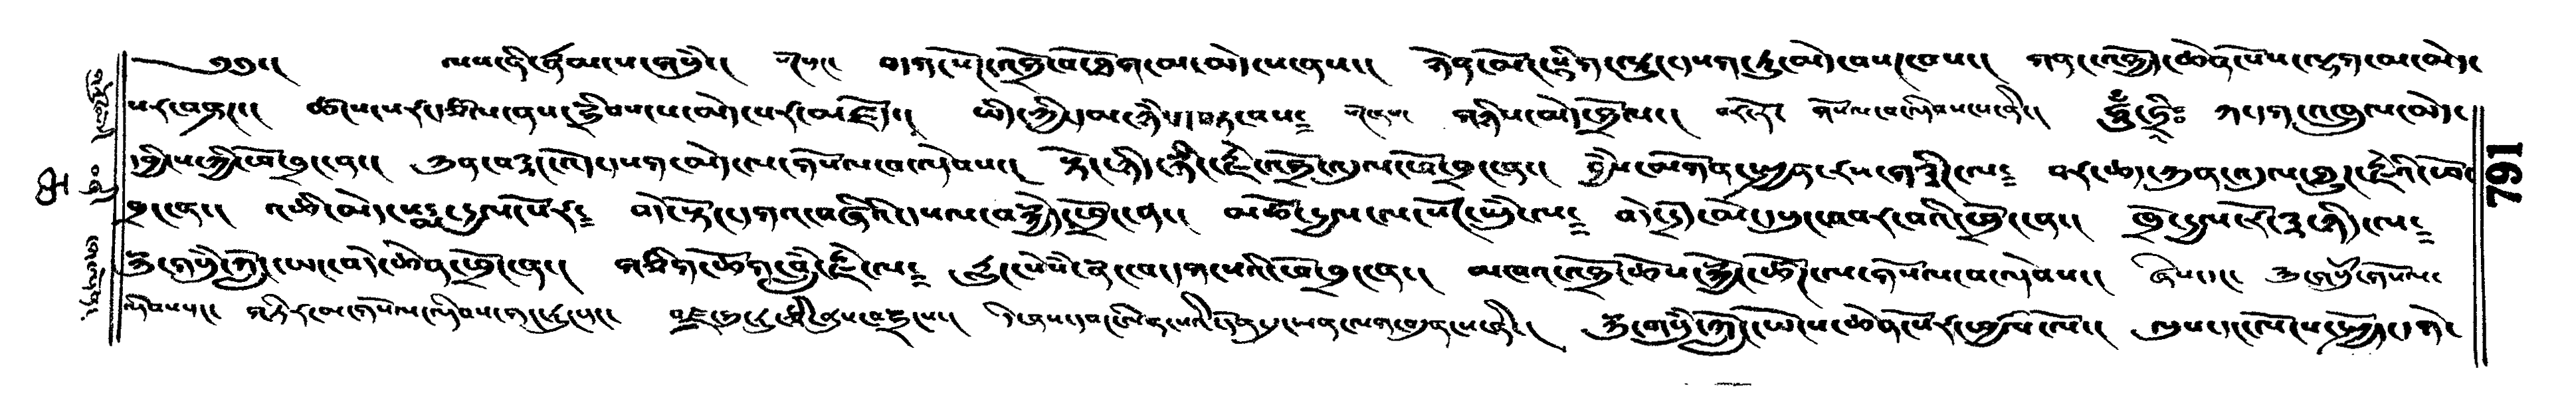ལས་ནི་རྣམ་པ་གསུམ། སོགས་དང་། བདག་སོགས་འགྲོ་བ་ཐོག་མ་མེད་པ་ནས། །ཉོན་མོངས་སྡིག་ལྟུང་དཔག་ཏུ་མེད་བསགས་བས། །གནོང་འགྱོད་ཆེན་པོས་ལྷག་མ་མེད་
པར་བཤགས། །ཚངས་པར་སྩལ་ནས་སྒྲིབ་པ་མེད་པར་མཛོད། །ཡིད་ཀྱི་དམ་ཉམས་ལྟ་བས༴ སོགས་ནས། གཉིས་མེད་གྲོལ། བར་རོ། གསོལ་བ་འདེབས་པ་ནི། ཧཱུྃ་ཧྲཱིཿ ཀ་དག་འཁྲུལ་མེད་
དབྱིངས་ཀྱི་ཕོ་བྲང་ན། །ཀུན་བཟང་འོད་དཔག་མེད་ལ་གསོལ་བ་འདེབས། །སྟོང་ཉིད་སྙིང་རྗེ་འགྲོ་འདུལ་ཕོ་བྲང་ན། །བྱམས་མགོན་སྤྱན་རས་གཟིགས་ལ༴ བར་ཆད་ཀུན་འདུལ་ཐུགས་རྗེའི་ཕོ་
བྲང་ན། །འཆི་མེད་པདྨ་རྒྱལ་པོར༴ བདེ་སྟོང་དགའ་བཞིའི་དཔལ་བསྐྱེད་ཕོ་བྲང་ན། །མཚོ་རྒྱལ་ལ་སོགས་ཡུམ་ལ༴ བདེ་དྲོད་མེ་དཔུང་འབར་བའི་ཕོ་བྲང་ན། ཁྲོ་རྒྱལ་རོ་ཟ་ཉིད་ལ༴ 
སྐུ་གསུམ་ཀློང་ཡངས་བདེ་ཆེན་ཕོ་བྲང་ན། །གཅིག་ཆོག་བླ་མ་རྗེ་ལ༴ རླུང་སེམས་སྣང་བ་དག་པའི་ཕོ་བྲང་ན། །མཁའ་འགྲོ་ཆོས་སྐྱོང་ཚོགས་ལ་གསོལ་བ་འདེབས། ཞེས་དང་། སྐུ་གསུམ་གསོལ་
འདེབས་དང་། གཏེར་མའི་གསོལ་འདེབས་གང་རུང་དང་། བཛྲ་གུ་རུ་ཅི་ནུས་བསྒྲང་། དེ་ནས་དབང་ལེན་པའི་དོན་དུ་ཡན་ལག་བདུན་པ་ནི། སྐུ་གསུམ་ཀློང་ཡངས་ཆེན་པོར་ཕྱག་འཚལ་ལོ། །ལུས་དང་ལོངས་སྤྱོད་དགེ་